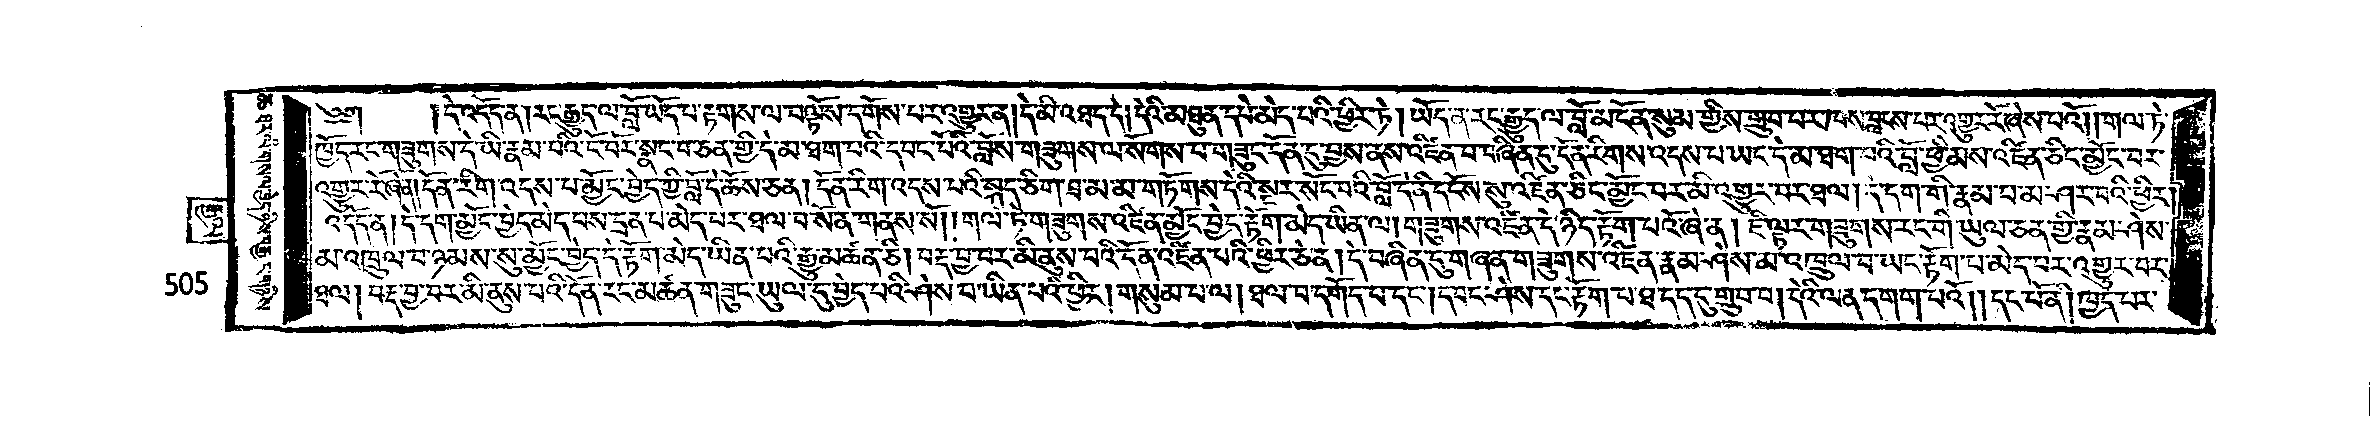༄༅། །དེ་འདོད་ན། རང་རྒྱུད་ལ་བློ་ཡོད་པ་རྟགས་ལ་བལྟོས་དགོས་པར་འགྱུར་ན། དེ་མི་འཐད་དེ། དེའི་མཐུན་དཔེ་མེད་པའི་ཕྱིར་ཏེ། ཡོད་ན་རང་རྒྱུད་ལ་བློ་མངོན་སུམ་གྱིས་གྲུབ་པར་ཁས་བླངས་པར་འགྱུར་རོ་ཞེས་པའོ། །གལ་ཏེ་
ཁྱོད་རང་གཟུགས་དེ་ཡི་རྣམ་པའི་ངོ་བོར་སྣང་བ་ཅན་གྱི་དེ་མ་ཐག་པའི་དབང་པོའི་བློས་གཟུགས་ལ་སོགས་པ་གཟུང་དོན་དུ་བྱས་ནས་འཛིན་པ་བཞིན་དུ་དོན་རིགས་འདས་པ་ཡང་དེ་མ་ཐག་པའི་བློ་ཕྱི་མས་འཛིན་ཅིང་མྱོང་བར་
འགྱུར་རོ་ཞེ་ན། དོན་རིག་འདས་པ་མྱོང་བྱེད་ཀྱི་བློ་དེ་ཆོས་ཅན། དོན་རིག་འདས་པའི་སྐད་ཅིག་ཐ་མ་མ་གཏོགས་དེའི་སྔར་སོང་བའི་བློ་དེ་ནི་དངོས་སུ་འཛིན་ཅིང་མྱོང་བར་མི་འགྱུར་བར་ཐལ། དེ་དག་གི་རྣམ་པ་མ་ཤར་བའི་ཕྱིར།
འདོད་ན། དེ་དག་མྱོང་བྱེད་མེད་པས་དྲན་པ་མེད་པར་ཐལ་བ་སོ་ན་གནས་སོ། །གལ་ཏེ་གཟུགས་འཛིན་མྱོང་བྱེད་རྟོག་མེད་ཡིན་ལ། གཟུགས་འཛིན་དེ་ཉིད་རྟོག་པའོ་ཞེ་ན། ཇི་ལྟར་གཟུགས་རང་གི་ཡུལ་ཅན་གྱི་རྣམ་ཤེས་
མ་འཁྲུལ་བ་ཉམས་སུ་མྱོང་བྱེད་དེ་རྟོག་མེད་ཡིན་པའི་རྒྱུ་མཚན་ཅི། བརྡ་བྱ་བར་མི་ནུས་པའི་དོན་འཛིན་པའི་ཕྱིར་ཅེ་ན། དེ་བཞིན་དུ་གཞན་གཟུགས་འཛིན་རྣམ་ཤེས་མ་འཁྲུལ་བ་ཡང་རྟོག་པ་མེད་པར་འགྱུར་བར་
ཐལ། བརྡ་བྱ་བར་མི་ནུས་པའི་དོན་རང་མཚན་གཟུང་ཡུལ་དུ་བྱེད་པའི་ཤེས་པ་ཡིན་པའི་ཕྱིར། གསུམ་པ་ལ། ཐལ་བ་དགོད་པ་དང་། དབང་ཤེས་དང་རྟོག་པ་ཐ་དད་དུ་གྲུབ་པ། དེའི་ལན་དགག་པའོ། །དང་པོ་ནི། ཁྱད་པར་